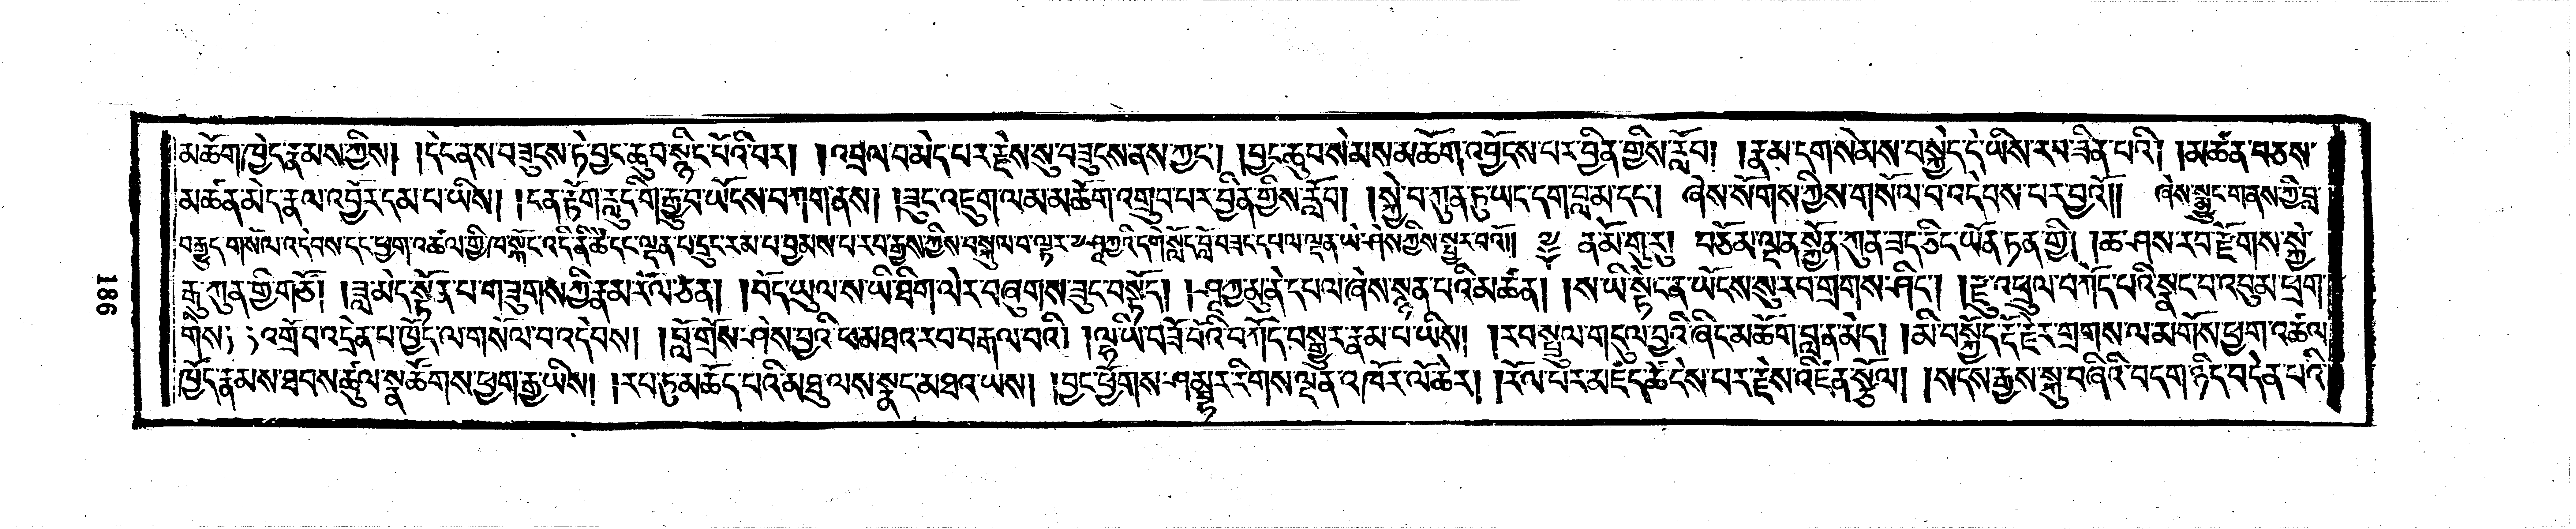མཆོག་ཁྱེད་རྣམས་ཀྱིས། །དེང་ནས་བཟུངས་ཏེ་བྱང་ཆུབ་སྙིང་པོའི་བར། །འབྲལ་བ་མེད་པར་རྗེས་སུ་བཟུངས་ནས་ཀྱང་། །བྱང་ཆུབ་སེམས་མཆོག་འབྱོངས་པར་བྱིན་གྱིས་རློབ། །རྣམ་དག་སེམས་བསྐྱེད་དེ་ཡིས་རབ་ཟིན་པའི། །མཚན་བཅས་
མཚན་མེད་རྣལ་འབྱོར་དམ་པ་ཡིས། །ངན་རྟོག་རླུང་གི་རྒྱུ་བ་ཡོངས་བཀག་ནས། །ཟུང་འཇུག་ལམ་མཆོག་འགྲུབ་པར་བྱིན་གྱིས་རློབ། །སྐྱེ་བ་ཀུན་ཏུ་ཡང་དག་བླ་མ་དང་། ཞེས་སོགས་ཀྱིས་གསོལ་བ་འདེབས་པར་བྱའོ།། ཞེས་སྨྱུང་གནས་ཀྱི་བླ་
བརྒྱུད་གསོལ་འདེབས་དང་ཕྱག་འཚལ་གྱི་ཁ་སྐོང་འདི་ནི་ཚེ་དང་ལྡན་པ་དྲུང་རམ་པ་བྱམས་པ་རབ་རྒྱས་ཀྱིས་བསྐུལ་བ་ལྟར་༧་ཤཱཀྱའི་དགེ་སློད་བློ་བཟང་དཔལ་ལྡན་ཡེ་ཤེས་ཀྱིས་སྦྱར་བའོ།། ༈ ན་མོ་གུ་རུ། བཅོམ་ལྡན་སྐྱོན་ཀུན་ཟད་ཅིང་ཡོན་ཏན་གྱི། །ཆ་ཤས་རབ་རྫོགས་སྐྱེ་
རྒུ་ཀུན་གྱི་གཙོ། །ཟླ་མེད་སྟོན་པ་གཟུགས་ཀྱི་རྣམ་རོལ་ཅན། །བོད་ཡུལ་ས་ཡི་ཐིག་ལེར་བཞུགས་ཟུང་བསྟོད། །ཤཱཀྱའི་མུ་ནེ་དཔལ་ཞེས་སྙན་པའི་མཚན། །ས་ཡི་སྟེང་ན་ཡོངས་སུ་རབ་གྲགས་ཤིང་། །རྫུ་འཕྲུལ་བཀོད་པའི་སྣང་བ་འབུམ་ཕྲག་
གིས༑ ༑འགྲོ་བ་འདྲེན་པ་ཁྱོད་ལ་གསོལ་བ་འདེབས། །བློ་གྲོས་ཤེས་བྱའི་ཕ་མཐའ་རབ་བརྒལ་བའི། །ལྷ་ཡི་བཟོ་པོའི་བཀོད་བསྒྱུར་རྣམ་པ་ཡིས། །རབ་སྤྲུལ་གདུལ་བྱའི་ཞིང་མཆོག་བླ་ན་མེད། །མི་བསྐྱོད་རྡོ་རྗེར་གྲགས་ལ་མགོས་ཕྱག་འཚལ་
ཁྱོད་རྣམས་ཐབས་ཚུལ་སྣ་ཚོགས་ཕྱག་རྒྱ་ཡིས། །རབ་ཏུ་མཆོད་པའི་མཐུ་ལས་སྣང་མཐའ་ཡས། །བྱང་ཕྱོགས་ཤམྦྷར་རིགས་ལྡན་འཁོར་ལོ་ཆེར། །རོལ་པར་མཛད་ཚེ་ངེས་པར་རྗེས་འཛིན་སྩོལ། །སངས་རྒྱས་སྐུ་བཞིའི་བདག་ཉིད་བདེན་པའི་